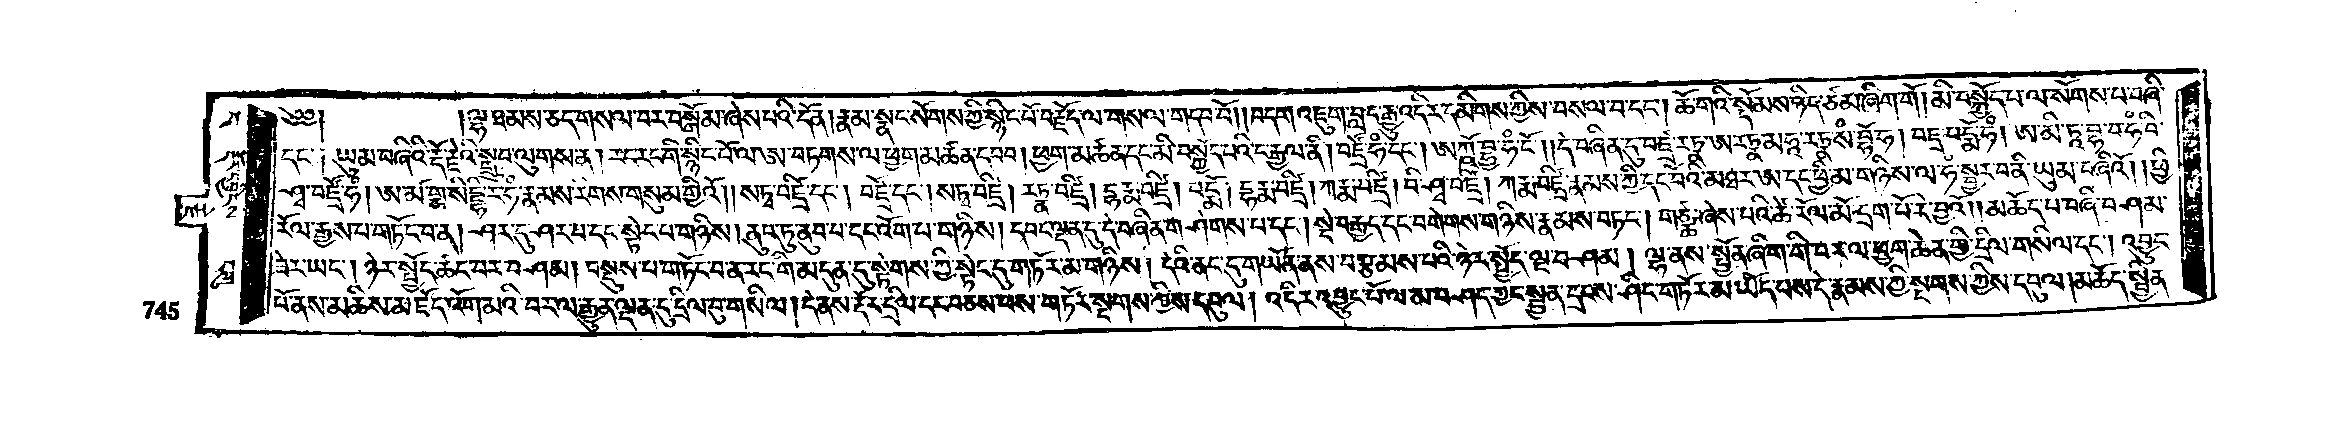༄༅། །ལྷ་ཐམས་ཅད་གསལ་བར་བསྒོམ་ཞེས་པའི་དོན། རྣམ་སྣང་སོགས་ཀྱི་སྙིང་པོ་བརྗོད་ལ་གསལ་གདབ་བོ། །བདག་འཇུག་བླང་རྒྱུ་འདིར་དམིགས་ཀྱིས་བསལ་བ་དང་། ཆོ་གའི་སྡོམས་ཉིད་ཙམ་ཞིག་གོ །མི་བསྐྱོད་པ་ལ་སོགས་པ་བཞི་
དང་། ཡུམ་བཞིའི་རྡོ་རྗེའི་སྒྲུབ་ལུགས་ན། རང་རང་གི་སྙིང་པོ་ལ་ཨ་བཏགས་ལ་ཕྱག་མཚན་དབབ། ཕྱག་མཚན་དང་མི་བསྐྱོད་པའི་ང་རྒྱལ་ནི། བཛྲོ་ཧཾ་དང་། ཨཀྵོ་བྷྱ་ཧཾ་ངོ། །དེ་བཞིན་དུ་བཛྲ་རཏྣ་ཨ་རཏྣ་མཧཱ་རཏྣ་སཾ་བྷོ་ཧ། བཛྲ་པདམོ་ཧཾ། ཨ་མི་ཏཱ་བྷ་བ་ཧཾ་བི་
ཤྭ་བཛྲོ་ཧཾ། ཨ་མོ་གྷ་སིདྡྷི་ར་ཧཾ་རྣམས་རིགས་གསུམ་གྱིའོ། །སཏྭ་བཛྲི་དང་། བཛྲོ་དང་། སཏྭ་བཛྲི། རཏྣ་བཛྲི། དྷརྨ་བཛྲི། པདམོ། དྷརྨ་བཛྲི། ཀརྨ་བཛྲི། བི་ཤྭ་བཛྲི། ཀརྨ་བཛྲི་རྣམས་ཀྱི་དང་པོའི་མཐར་ཨ་དང་ཕྱི་མ་གཉིས་ལ་ཧཾ་སྦྱར་བ་ནི་ཡུམ་བཞིའོ། །ཕྱི་
རོལ་རྒྱས་པ་གཏོང་བ་ན། ཤར་དུ་ཤར་བ་དང་སྟེང་པ་གཉིས། ནུབ་ཏུ་ནུབ་པ་དང་འོག་པ་གཉིས། དབང་ལྡན་དུ་དེ་བཞིན་གཤེགས་པ་དང་། སྡེ་བརྒྱད་དང་བགེགས་གཉིས་རྣམས་བཏང་། གཙྪ་ཞེས་པའི་ཚེ་རོལ་མོ་དྲག་པོ་རེ་བྱའོ། །མཆོད་པ་བཞི་བཤམ་
ཟེར་ཡང་། ཉེར་སྤྱོད་ཚང་པར་བཤམ། བསྡུས་པ་གཏོང་བ་ན་རང་གི་མདུན་དུ་སྟེགས་ཀྱི་སྟེང་དུ་གཏོར་མ་གཉིས། དེའི་ནང་དུ་གཡོན་ནས་བརྩམས་པའི་ཉེར་སྤྱོད་ལྔ་བཤམ། ལྷ་ནས་སྤྱོན་ཞིག་གི་བར་ལ་ཕྱག་ཆེན་གྱི་དྲིལ་གསིལ་དང་། འབྱུང་
པོ་ནས་མཆིས་མཛོད་འོག་མའི་བར་ལ་རྒྱུན་ལྡན་དུ་དྲིལ་བུ་གསིལ། དེ་ནས་རྡོར་དྲིལ་དང་བཅས་པས་གཏོར་སྔགས་ཀྱིས་དབུལ། འདིར་འབྱུང་པོ་ལ་མ་བཤད་ཀྱང་སྤྱན་དྲངས་ཤིང་གཏོར་མ་ཡོད་པས་དེ་རྣམས་ཀྱི་སྔགས་ཀྱིས་དབུལ། མཆོད་སྦྱིན་